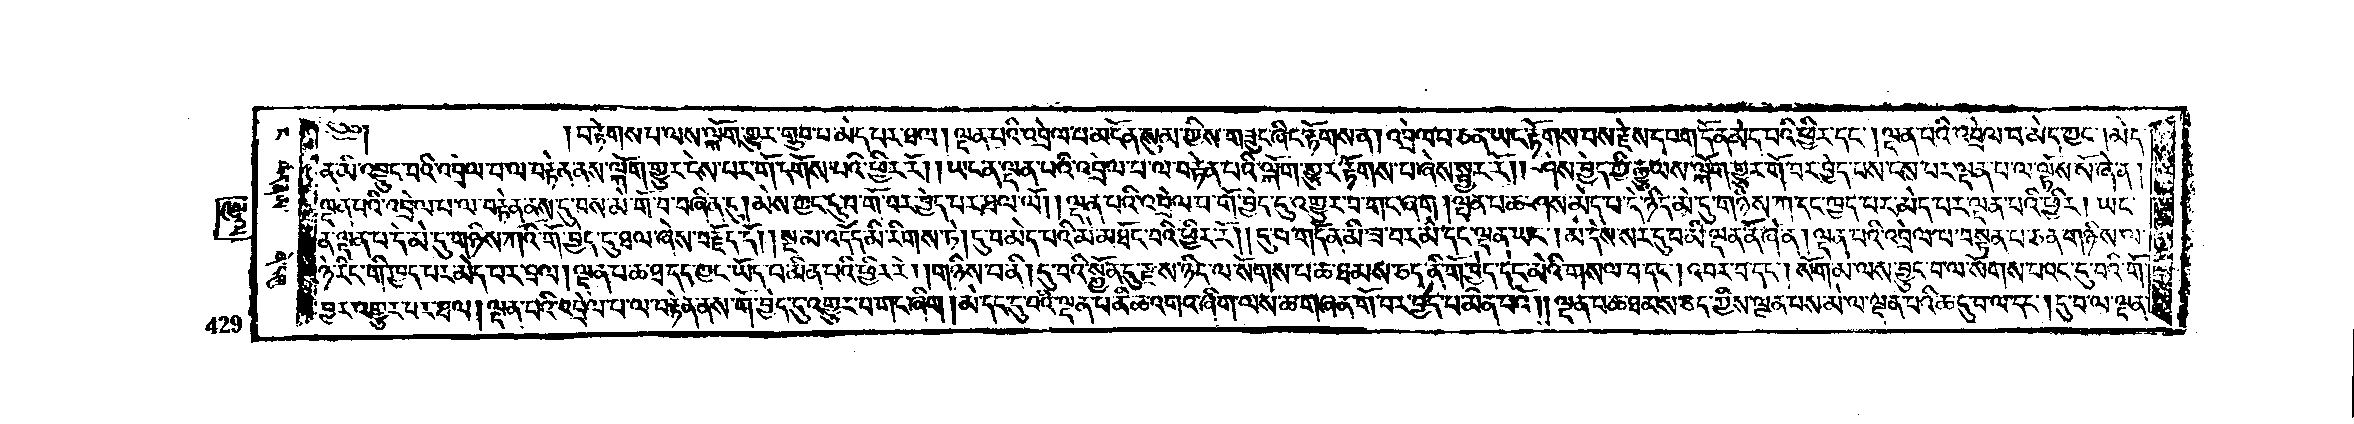༄༅། །པ་རྟེགས་པ་ལས་ལྐོག་གྱུར་པ་མེད་པར་ཐལ། ལྡན་པའི་འབྲེལ་པ་མངོན་སུམ་གྱིས་གཟུངས་ཞིང་རྟོགས་ན། འབྲེལ་པ་ཅན་ཡང་རྟོགས་པས་རྗེས་དཔག་དོན་མེད་པའི་ཕྱིར་དང་། ལྡན་པའི་འབྲེལ་བ་མེད་ཀྱང་། མེད་
ན་མི་འབྱུང་བའི་འབྲེལ་བ་ལ་བརྟེན་ནས་ལྐོག་གྱུར་ངེས་པར་གོ་དགོས་པའི་ཕྱིར་རོ། །ཡང་ན་ལྡན་པའི་འབྲེལ་པ་ལ་བརྟེན་པའི་ལྐོག་གྱུར་རྟོགས་པ་ཞེས་སྦྱར་རོ་།།ཤེས་བྱེད་ཀྱི་རྒྱུ་ལས་ལྐོག་གྱུར་གོ་བར་བྱེད་པས་ངེས་པར་ལྡན་པ་ལ་ལྟོས་སོ་ཞེ་ན།
ལྡན་པའི་འབྲེལ་པ་ལ་བརྟེན་ནས་དུ་བས་མེ་གོ་བ་བཞིན་དུ། མེས་ཀྱང་དུ་བ་གོ་བར་བྱེད་པར་ཐལ་ལོ། །ལྡན་པའི་འབྲེལ་པ་གོ་བྱེད་དུ་འགྱུར་བ་གནག་ཟག །ལྡན་པ་ཆ་ཤས་མེད་པ་དེ་ཉིད་མེ་དུ་གཉིས་ཀ་དང་ཁྱད་པར་མེད་པར་ལྡན་པའི་ཕྱིར། ཡང་
ན་ལྡན་པ་དེ་མེ་དུ་གཉིས་ཀའི་གོ་བྱེད་དུ་ཐལ་ཞེས་བརྗོད་དོ། །སྔ་མ་འདོད་མི་རིགས་ཏེ། དུ་བ་མེད་པའི་མི་མཐོང་བའི་ཕྱིར་རོ། །དུ་བ་གདོན་མི་ཟ་བར་མེ་དང་ལྡན་ཡང་། མེ་དེས་སར་དུ་བ་མི་ལྡན་ནོ་ཞེ་ན། ལྡན་པའི་འབྲེལ་པ་བསྟན་པ་ཅན་གཉིས་ལ་
ཉི་རིང་གི་ཁྱད་པར་མེད་པར་ཐལ། ལྡན་པ་ཆ་ཐ་དད་ཀྱང་ཡོད་པ་མིན་པའི་ཕྱིར་རོ། །གཉིས་པ་ནི། དུ་བའི་སྐྱོན་དུ་རྫས་ཉིད་ལ་སོགས་པ་ཆ་ཐམས་ཅད་ནི་གོ་བྱེད་དང་མེའི་གསལ་བ་དང་། འབར་བ་དང་། སོག་མ་ལས་བྱུང་བ་ལ་སོགས་པའང་དུ་བའི་གོ་
བྱར་འགྱུར་པར་ཐལ། ལྡན་པའི་འབྲེལ་བ་ལ་བརྟེན་ནས་གོ་བྱེད་དུ་འགྱུར་བ་གང་ཞིག །མེ་དང་དུ་བའི་ལྡན་པ་ནི་ཆ་འགའ་ཞིག་ལས་ཆ་གཞན་གོ་བར་བྱེད་པ་མིན་པའོ། །ལྡན་པ་ཐ་ཐམས་ཅད་ཀྱིས་ལྡན་པས་མེ་ལ་ལྡན་པའི་ཆ་དུ་བ་ལ་དང་། དུ་བ་ལ་ལྡན་